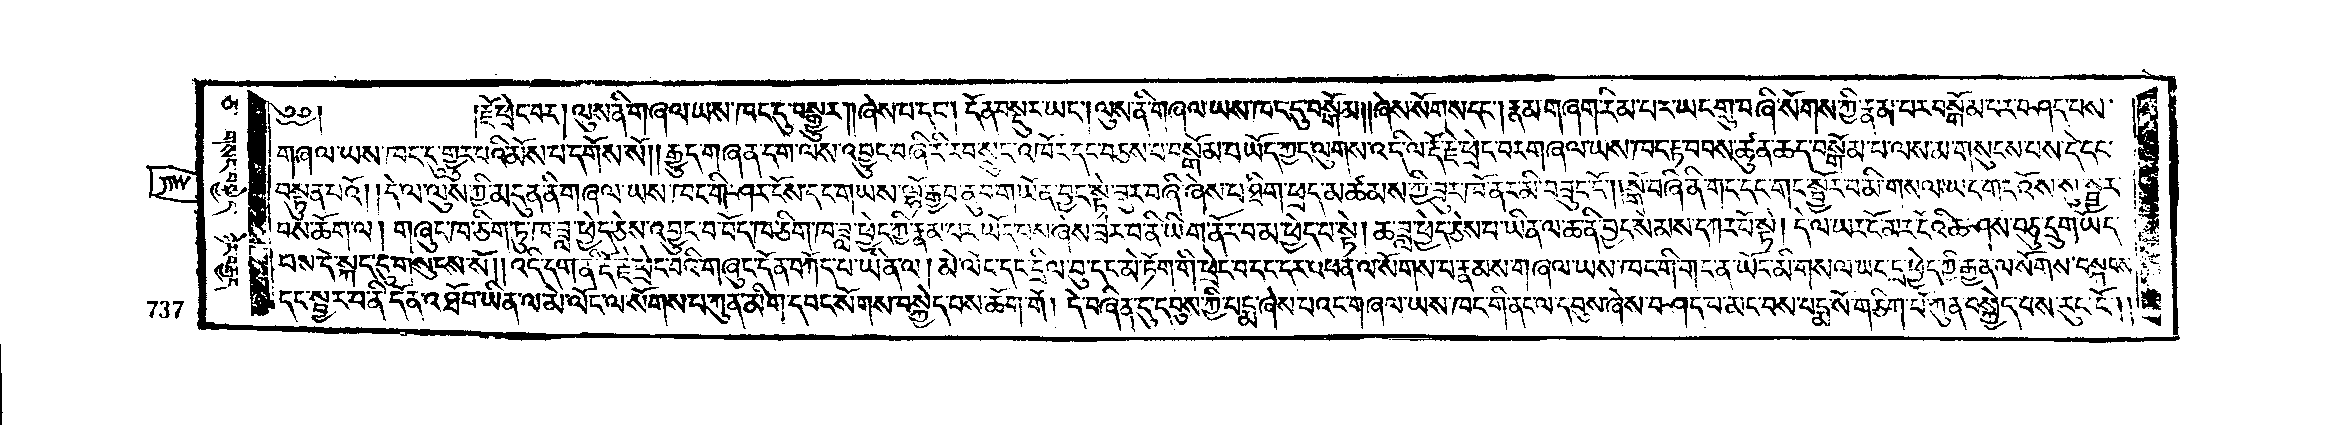༄༅། །རྗེ་ཕྲེང་བར། ལུས་ནི་གཞལ་ཡས་ཁང་དུ་བསྒྱུར། །ཞེས་པ་དང་། དོན་བསྡུར་ཡང་། ལུས་ནི་གཞལ་ཡས་ཁང་དུ་བསྒོམ། །ཞེས་སོགས་དང་། རྣམ་གཞག་རིམ་པར་ཡང་གྲུ་བཞི་སོགས་ཀྱི་རྣམ་པར་བསྒོམ་པར་བཤད་པས་
གཞལ་ཡས་ཁང་དུ་གྱུར་པའི་མོས་པ་དགོས་སོ། །རྒྱུད་གཞན་དག་ལས་འབྱུང་བཞི་རི་རབ་སྲུང་འཁོར་དང་བཅས་པ་བསྒོམ་པ་ཡོད་ཀྱང་ལུགས་འདི་ལ་རྡོ་རྗེ་ཕྲེང་བར་གཞལ་ཡས་ཁང་རྟ་བབས་ཚུན་ཆད་བསྒོམ་པ་ལས་མ་གསུངས་པས་དེ་དང་
བསྟུན་པའོ། །དེ་ལ་ལུས་ཀྱི་མདུན་ནི་གཞལ་ཡས་ཁང་གི་ཤར་ངོས་དང་གཡས་ལྷོ་རྒྱབ་ནུབ་གཡོན་བྱང་སྟེ་ཟུང་བཞི་ཞེས་པ་ཐིག་ཕྲད་མཚམས་ཀྱི་ཟུར་ཁོ་ནར་མི་བཟུང་ངོ། །སྒོ་བཞི་ནི་གང་དང་གང་སྦྱོར་བ་མི་གསལ་ཡང་གང་འོས་སུ་སྦྱར་
བས་ཆོག་ལ། གཞུང་ཁ་ཅིག་ཏུ་ཁ་ཟླ་ཕྱེད་ཅེས་འབྱུང་བ་བོད་ཁ་ཅིག་ཁ་ཟླ་ཕྱེད་ཀྱི་རྣམ་པར་ཡོད་པས་ཞེས་ཟེར་བ་ནི་ཡིག་ནོར་བ་མ་ཕྱེད་པ་སྟེ། ཆ་ཟླ་ཕྱེད་ཅེས་པ་ཡིན་ལ་ཆ་ནི་བྱང་སེམས་དཀར་པོ་སྟེ། དེ་ལ་ཡར་ངོ་མར་ངོའི་ཆ་ཤས་བཅུ་དྲུག་ཡོད་
པས་དེ་སྐད་དུ་གསུངས་སོ། །འདི་དག་ནི་རྡོ་རྗེ་ཕྲེང་བའི་གཞུང་དོན་བཀོད་པ་ཡིན་ལ། མེ་ལོང་དང་དྲིལ་བུ་དང་མེ་ཏོག་གི་ཕྲེང་བ་དང་དར་འཕན་ལ་སོགས་པ་རྣམས་གཞལ་ཡས་ཁང་གི་གང་ན་ཡོང་མི་གསལ་ཡང་དྲ་ཕྱེད་ཀྱི་རྒྱན་ལ་སོགས་པ་སྐབས་
དང་སྦྱར་བ་ནི་དོན་འཐོབ་ཡིན་ལ་མེ་ལོང་ལ་སོགས་པ་ཀུན་མིག་དབང་སོགས་བསྐྱེད་པས་ཆོག་གོ །དེ་བཞིན་དུ་དབུས་ཀྱི་པདམ་ཞེས་པའང་གཞལ་ཡས་ཁང་གི་ནང་ལ་དབུས་ཞེས་བཤད་པ་མང་བས་པདམ་སོ་གཅིག་པོ་ཀུན་བསྐྱེད་པས་རུང་ངོ། །